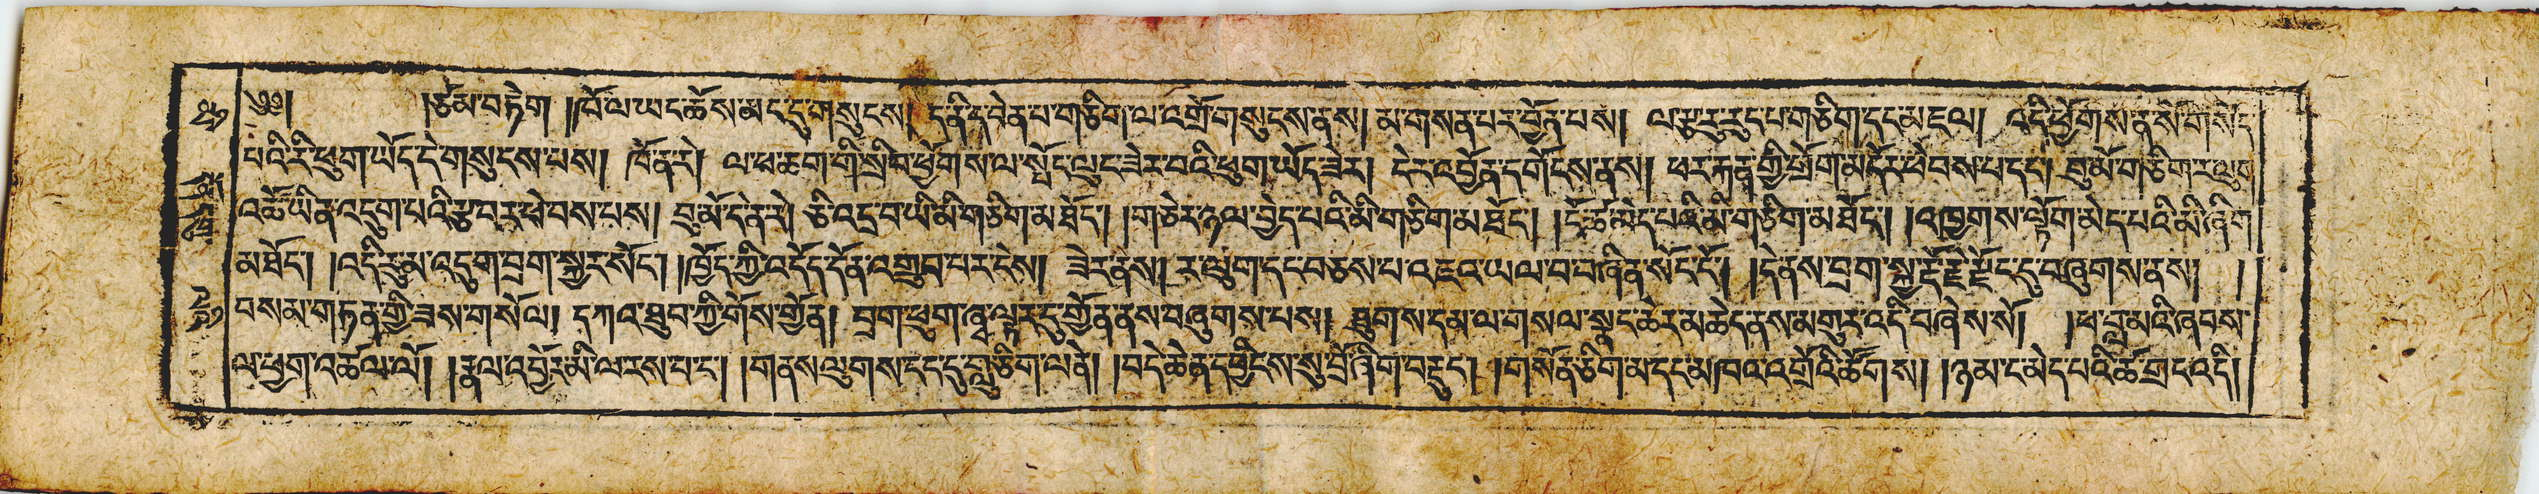ཙམ་བཏེག །ཁོ་ལ་ཡང་ཆོས་མང་དུ་གསུངས། ད་ནི་དབེན་པ་གཅིག་ལ་འགྲོ་གསུངས་ནས། མ་གསན་པར་བྱོན་པས། ལ་རྩ་རུ་རུང་པ་གཅིག་དང་མཇལ། འདི་ཕྱོགས་ན་སོ་གསོད་
པའི་རི་ཕུག་ཡོད་ངེ་གསུངས་པས། ཁོ་ན་རེ། ལ་ཕ་ཆག་གི་སྲིབ་ཕྱོགས་ལ་སྤོང་ལུང་ཟེར་བའི་ཕུག་ཡོད་ཟེར། དེར་འབྱོན་དགོངས་ནས། ཕར་རྐན་གྱི་གྲོག་མདོར་ཕེབས་པ་དང་། བུ་མོ་གཅིག་ར་ལུག་
འཚོ་ཡིན་འདུག་པའི་རྩ་བར་ཕེབས་པས། བུ་མོ་དེ་ན་རེ། ཅི་འདྲ་བ་ཡི་མི་གཅིག་མཐོང་། །གཅེར་ཉལ་བྱེད་པའི་མི་གཅིག་མཐོང་། །ངོ་ཚ་མེད་པའི་མི་གཅིག་མཐོང་། །འཁྱགས་ལྟོག་མེད་པའི་མི་ཞིག་
མཐོང་། །འདི་རུ་མ་འདུག་བྲག་སྐྱར་སོང་། །ཁྱོད་ཀྱི་འདོད་དོན་འགྲུབ་པར་ངེས། ཟེར་ནས། ར་ལུག་དང་བཅས་པ་འཇའ་ཡལ་བ་བཞིན་སོང་ངོ་། །དེ་ནས་བྲག་སྐྱ་རྡོ་རྗེ་རྫོང་དུ་བཞུགས་ནས། 
བསམ་གཏན་གྱི་ཟས་གསེལ། དཀའ་ཐུབ་ཀྱི་གོས་གྱོན། བྲག་ཕུག་ཞྭ་ལྟར་དུ་གྱོན་ནས་བཞུགས་པས། ཐུགས་དམ་ལ་གསལ་སྣང་ཆེར་མཆེད་ནས་མགུར་འདི་བཞེས་སོ། །ཕ་བླ་མའི་ཞབས་
ལ་ཕྱག་འཚལ་ལོ། །རྣལ་འབྱོར་མི་ལ་རས་པ་ང་། །གནས་ལུགས་ངང་དུ་གླུ་གཅིག་ལེན། །བདེ་ཆེན་དབྱིངས་སུ་བྲོ་ཞིག་བརྡུང་། །གསོན་ཅིག་མ་དང་མཁའ་འགྲོའི་ཚོགས། །ཉམ་ང་མེད་པའི་ཚ་གྲང་འདི། །